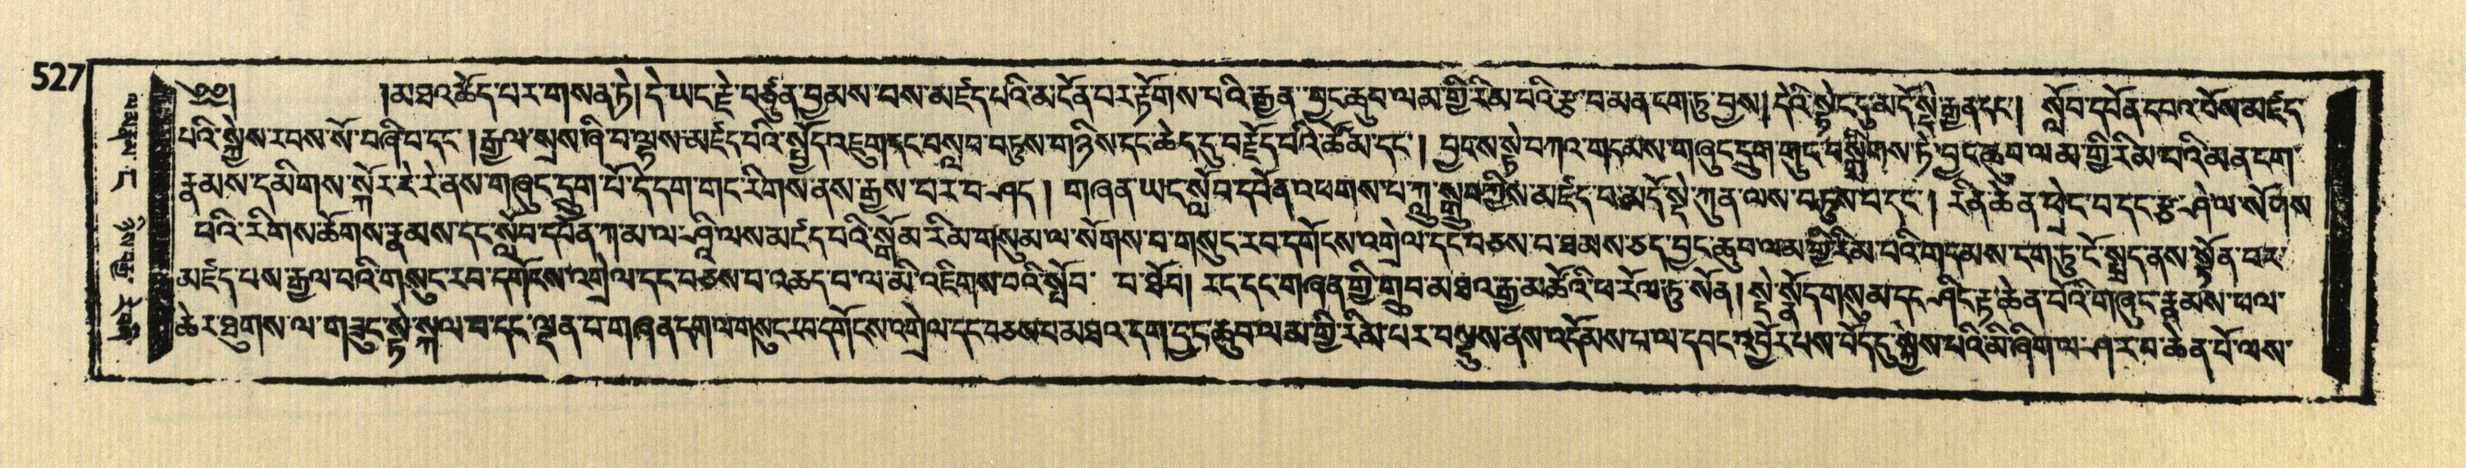༄༅། །མཐའ་ཆོད་པར་གསན་ཏེ། དེ་ཡང་རྗེ་བཙུན་བྱམས་བས་མཛད་པའི་མངོན་པར་རྟོགས་པའི་རྒྱན་བྱང་ཆུབ་ལམ་གྱི་རིམ་པའི་རྩ་བ་མན་ངག་ཏུ་བྱས། དེའི་སྟེང་དུ་མདོ་སྡེ་རྒྱན་དང་། སློབ་དཔོན་དཔའ་བོས་མཛད་
པའི་སྐྱེས་རབས་སོ་བཞི་པ་དང་། རྒྱལ་སྲས་ཞི་བ་ལྷས་མཛད་པའི་སྤྱོད་འཇུག་དང་བསླབ་བཏུས་གཉིས་དང་ཆེད་དུ་བརྗོད་པའི་ཚོམ་དང་། བྱངས་སྟེ་བཀའ་གདམས་གཞུང་དྲུག་གུང་བསྒྲིགས་ཏེ་བྱང་ཆུབ་ལམ་གྱི་རིམ་པའི་མན་ངག་
རྣམས་དམིགས་སྐོར་རེ་རེ་ནས་གཞུང་དྲུག་པོ་དེ་དག་གང་རིགས་ནས་རྒྱས་བར་བཤད། གཞན་ཡང་སློབ་དཔོན་འཕགས་པ་ཀླུ་སྒྲུབ་ཀྱིས་མཛད་བ་མདོ་སྡེ་ཀུན་ལས་བཏུས་པ་དང་། རིན་ཆེན་ཕྲེང་བ་དང་རྩ་ཤེ་ལ་སོགས་
བའི་རིགས་ཆོགས་རྣམས་དང་སློབ་དཔོན་ཀ་མ་ལ་ཤཱི་ལས་མཛད་པའི་སྒོམ་རིམ་གསུམ་ལ་སོགས་པ་གསུང་རབ་དགོངས་འགྲེལ་དང་བཅས་པ་ཐམས་ཅད་བྱང་ཆུབ་ལམ་གྱི་རིམ་པའི་གདམས་ངག་ཏུ་ངོ་སྤྲད་ནས་སྟོན་པར་
མཛད་པས་རྒྱལ་བའི་གསུང་རབ་དགོངས་འགྲེལ་དང་བཅས་པ་འཆད་པ་ལ་མི་འཇིགས་པའི་སྤོབ་པ་ཐོབ། རང་དང་གཞན་གྱི་གྲུབ་མཐའ་རྒྱ་མཚོའི་ཕ་རོལ་ཏུ་སོན། སྡེ་སྣོད་གསུམ་དང་ཤིང་རྟ་ཆེན་པོའི་གཞུང་རྣམས་ཕལ་
ཆེར་ཐུགས་ལ་གཟུང་སྟེ་སྐལ་པ་དང་ལྡན་པ་གཞན་དག་ལ་གསུང་རབ་དགོངས་འགྲེལ་དང་བཅས་པ་མཐའ་དག་བྱང་ཆུབ་ལམ་གྱི་རིམ་པར་བསྡུས་ནས་འདོམས་པ་ལ་དབང་འབྱོར་པས་བོད་དུ་སྐྱེས་པའི་མི་ཞིག་ལ་ཤར་བ་ཆེན་པོ་ལས་